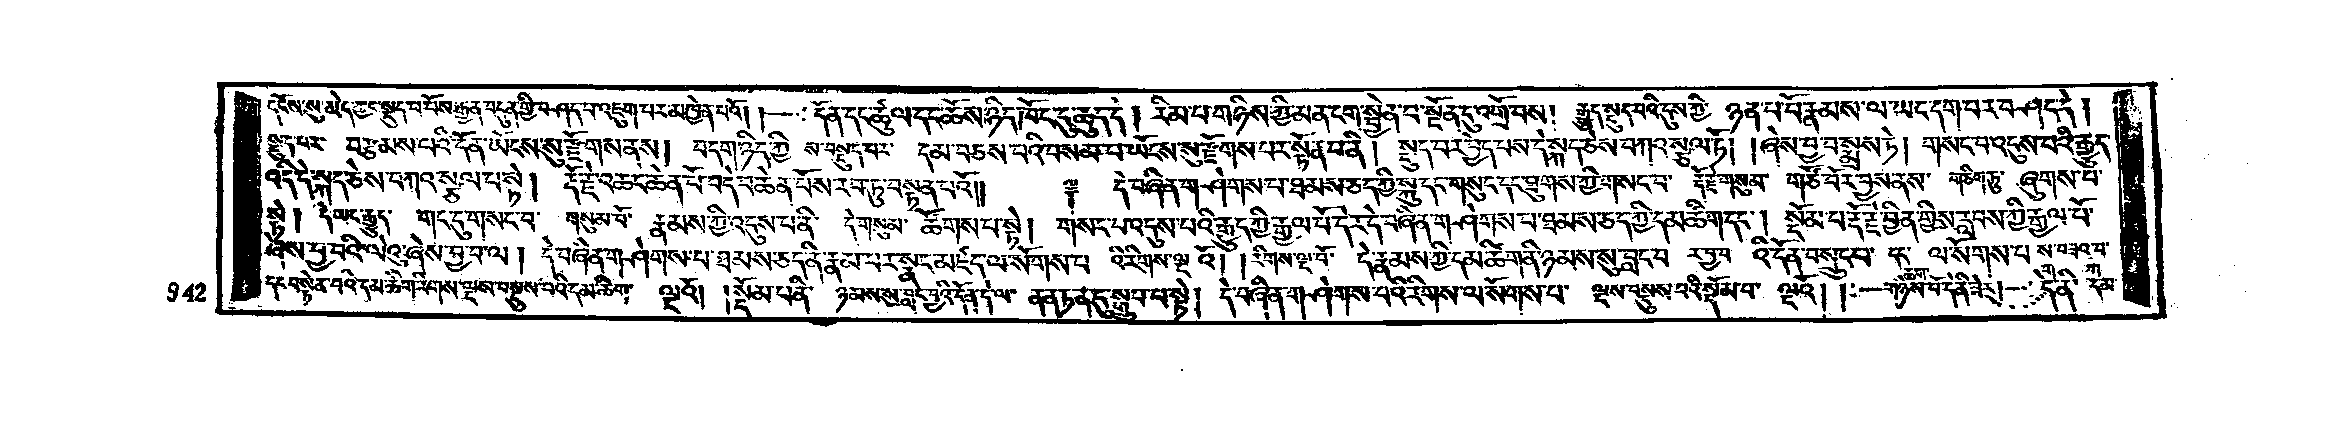དངོས་སུ་མེད་ཀྱང་སྡུད་པ་པོས་རྒྱན་བདུན་གྱི་བཤད་པ་འཇུག་པར་མཁྱེན་པའོ། །དོན་དང་ཚུལ་དང་ཆོས་ཉིད་ཁོང་དུ་ཆུད་དེ། རིམ་པ་གཉིས་ཀྱི་མན་ངག་སྦྱིན་པ་སྔོན་དུ་འགྲོ་བས། རྒྱུད་སྡུད་པའི་དུས་ཀྱི་ཉན་པ་པོ་རྣམས་ལ་ཡང་དག་པར་བཤད་དེ།
སྡུད་པར་བརྩམས་པའི་དོན་ཡོངས་སུ་རྫོགས་ནས། བདག་ཉིད་ཀྱིས་བསྡུད་པར་དམ་བཅས་པའི་བསམ་པ་ཡོངས་སུ་རྫོགས་པར་སྟོན་པ་ནི། སྡུད་པར་བྱེད་པས་དེ་སྐད་ཅེས་བཀའ་སྩལ་ཏོ། །ཞེས་བྱ་བ་སྨྲས་ཏེ། གསང་བ་འདུས་པའི་རྒྱུད་
འདི་དེ་སྐད་ཅེས་བཀའ་སྩལ་པ་སྟེ། རྡོ་རྗེ་འཆང་ཆེན་པོ་བདེ་བ་ཆེན་པོས་རབ་ཏུ་བསྟན་པའོ།། ༈ དེ་བཞིན་གཤེགས་པ་ཐམས་ཅད་ཀྱི་སྐུ་དང་གསུང་དང་ཐུགས་ཀྱི་གསང་བ་རྡོ་རྗེ་གསུམ་གཙོ་བོར་བྱས་ནས་གཅིག་ཏུ་ཞུགས་པ་
སྟེ། དེ་ཡང་རྒྱུད་གང་དུ་གསང་བ་གསུམ་པོ་རྣམས་ཀྱི་འདུས་པ་ནི་དེ་གསུམ་ཚོགས་པ་སྟེ། གསང་བ་འདུས་པའི་རྒྱུད་ཀྱི་རྒྱལ་པོ་དེར་དེ་བཞིན་གཤེགས་པ་ཐམས་ཅད་ཀྱི་དམ་ཚིག་དང་། སྡོམ་པ་རྡོ་རྗེ་བྱིན་གྱིས་རླབས་ཀྱི་རྒྱལ་པོ་
ཞེས་བྱ་བའི་ལེའུ་ཞེས་བྱ་བ་ལ། དེ་བཞིན་གཤེགས་པ་ཐམས་ཅད་ནི་རྣམ་པར་སྣང་མཛད་ལ་སོགས་པའི་རིགས་ལྔའོ། །རིགས་ལྔ་པོ་དེ་རྣམས་ཀྱི་དམ་ཚིག་ནི་ཉམས་སུ་བླང་བར་བྱ་བའི་དོན་བསྲུང་བ་དང་ལ་སོགས་པས་བཟའ་བ་
དང་བསྟེན་པའི་དམ་ཚིག་རིགས་ལྔས་བསྡུས་པའི་དམ་ཚིག་ལྔའོ། །སྡོམ་པ་ནི་ཉམས་སུ་བླང་བྱའི་དོན་དེ་ལ་ནན་ཏན་དུ་སྒྲུབ་པ་སྟེ། དེ་བཞིན་གཤེགས་པའི་རིགས་ལ་སོགས་པ་ལྔས་བསྡུས་པའི་སྡོམ་པ་ལྔའོ། ། H.་ཆག་གཉིས་པོ་དེ་ནི་ཟེར། .Hག་དེ་ནི་ཀ་དམ་